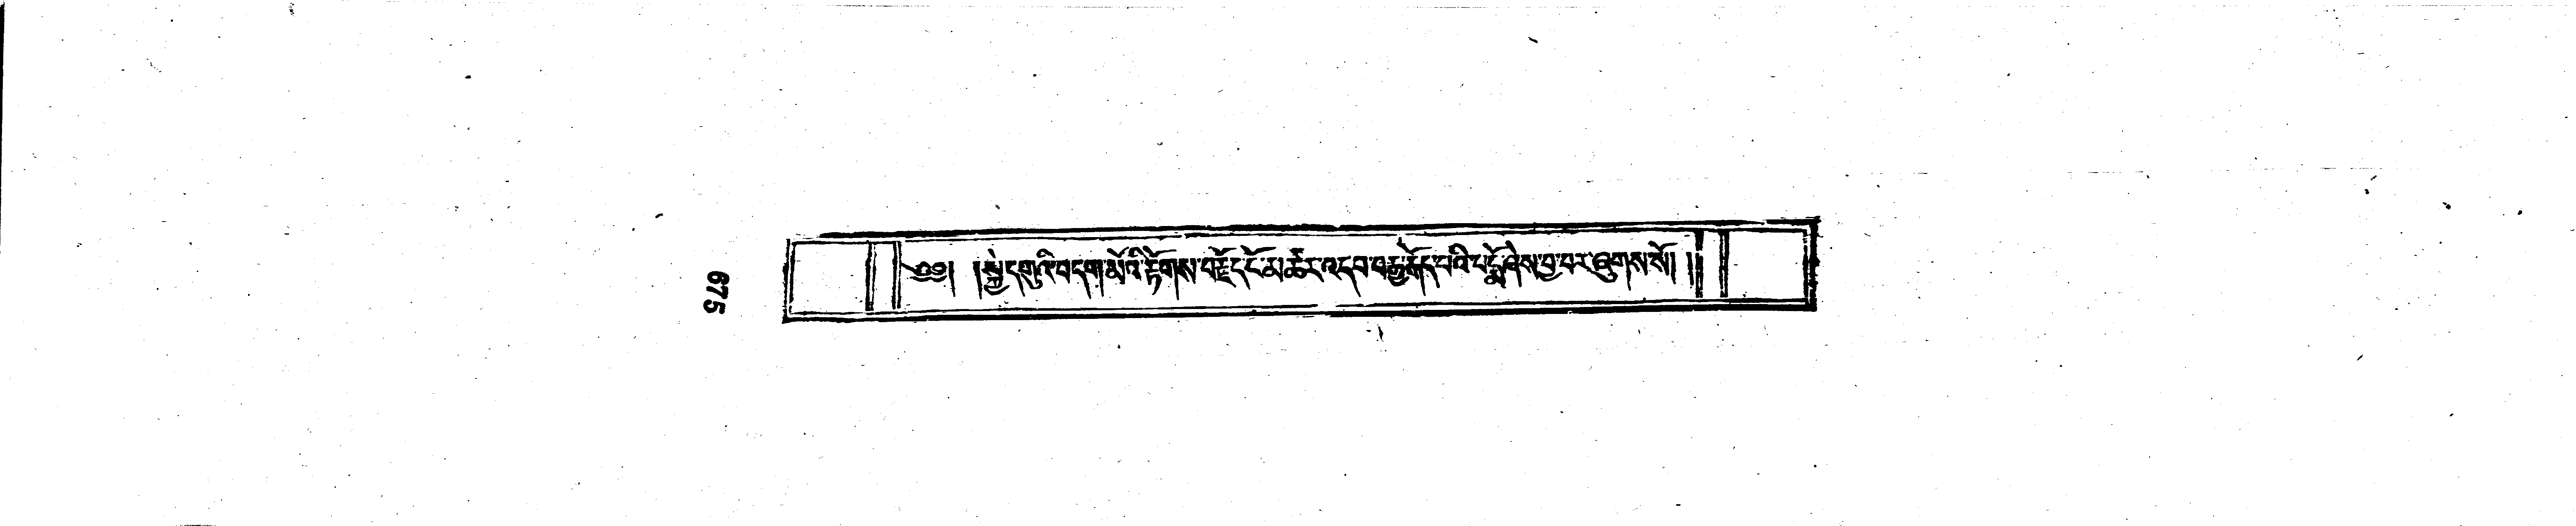༄༅། །སྐྱེ་དགུའི་བདག་མོའི་རྟོགས་བརྗོད་ངོ་མཚར་འདབ་བརྒྱ་རྒོད་པའི་པདམོ་ཞེས་བྱ་བ་བཞུགས་སོ། །